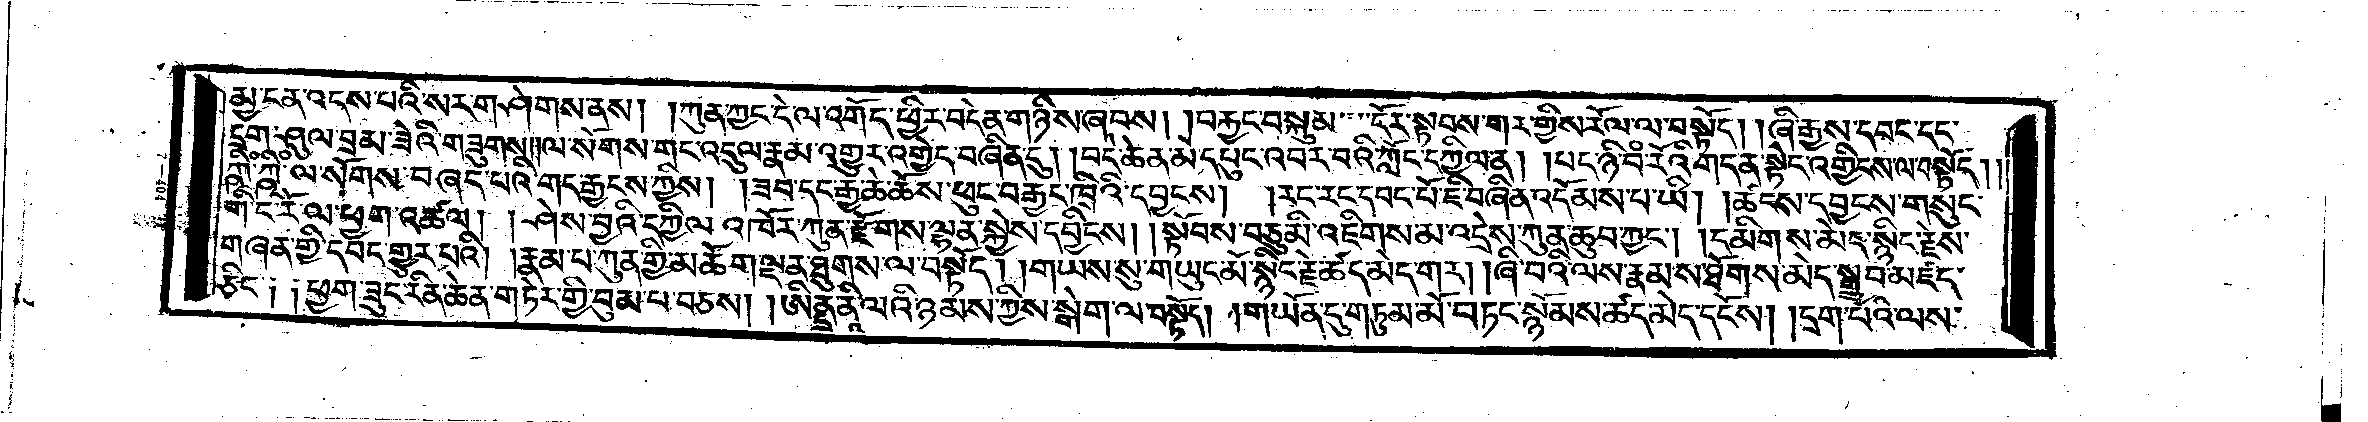མྱ་ངན་འདས་པའི་སར་གཤེགས་ནས། །ཀུ་ན་ཀྱང་དེ་ལ་འགོད་ཕྱིར་བདེན་གཉིས་ཞབས། །བརྐྱང་བསྐུམ་པ་དོར་སྟབས་གར་གྱིས་རོལ་ལ་བསྟོད། །ཞི་རྒྱས་དབང་དང༑
དྲག་ཤུལ་བྲམ་ཟེའི་གཟུགས། །ལ་སོགས་གང་འདུལ་རྣམ་འགྱུར་འྐྱེད་བཞིན་དུ། །བདེ་ཆེན་མེད་དཔུང་འབར་བའི་ཀློང་དཀྱིལ་ན། །པད་ཉི་བཾ་རོའི་གདན་སྟེང་འགྱིངས་ལ་བསྟོད། །
ཀྵིཾ་ཀྵིཾ་ལ་སོགས་བཞེད་པའི་གང་རྒྱངས་ཀྱིས། །ཟབ་དང་རྒྱ་ཆེ་ཆོ་ས་ཕུང་བརྒྱང་ཁྲིའི་དབྱངས། །རང་རང་དབང་པོ་ཇི་བཞིན་འདོམས་པ་ཡི། །ཚངས་དབྱངས་གསུང་
གི་ང་རོ་ལ་ཕྱག་འཚལ། །ཤེས་བྱའི་དཀྱིལ་འཁོར་ཀུན་རྫོགས་ལྷན་སྐྱེས་དབྱིངས། །སྟོབས་བཅུ་མི་འཇིགས་མ་འདྲེས་ཀུན་ཆུབ་ཀྱང་། །དམིགས་མེད་སྙིང་རྗེས་
གཞན་གྱི་དབང་གྱུར་པའི། །རྣམ་པ་ཀུན་གྱི་མཚག་ལྡན་ཐུགས་ལ་བསྟོད། །གཡས་སུ་གཡུང་མོ་སྙིགན་རྗེ་ཚད་མེད་གར། །ཞི་བའི་ལས་རྣམས་ཐོགས་མེད་སྒྲུབ་མཛད་
ཅིང༑ ༑ཕྱག་ཟུང་རིན་ཆེན་གཏེར་གྱི་བུམ་པ་བཅས། །ཨིནྡྲ་ནཱི་ལའི་ཉམས་ཀྱིས་སྒེགས་ལ་བསྟོད། །གཡོན་དུ་གཏུམ་མོ་བཏང་སྙོམས་ཚད་མེད་དངོས། །དྲག་པོའི་ལས་